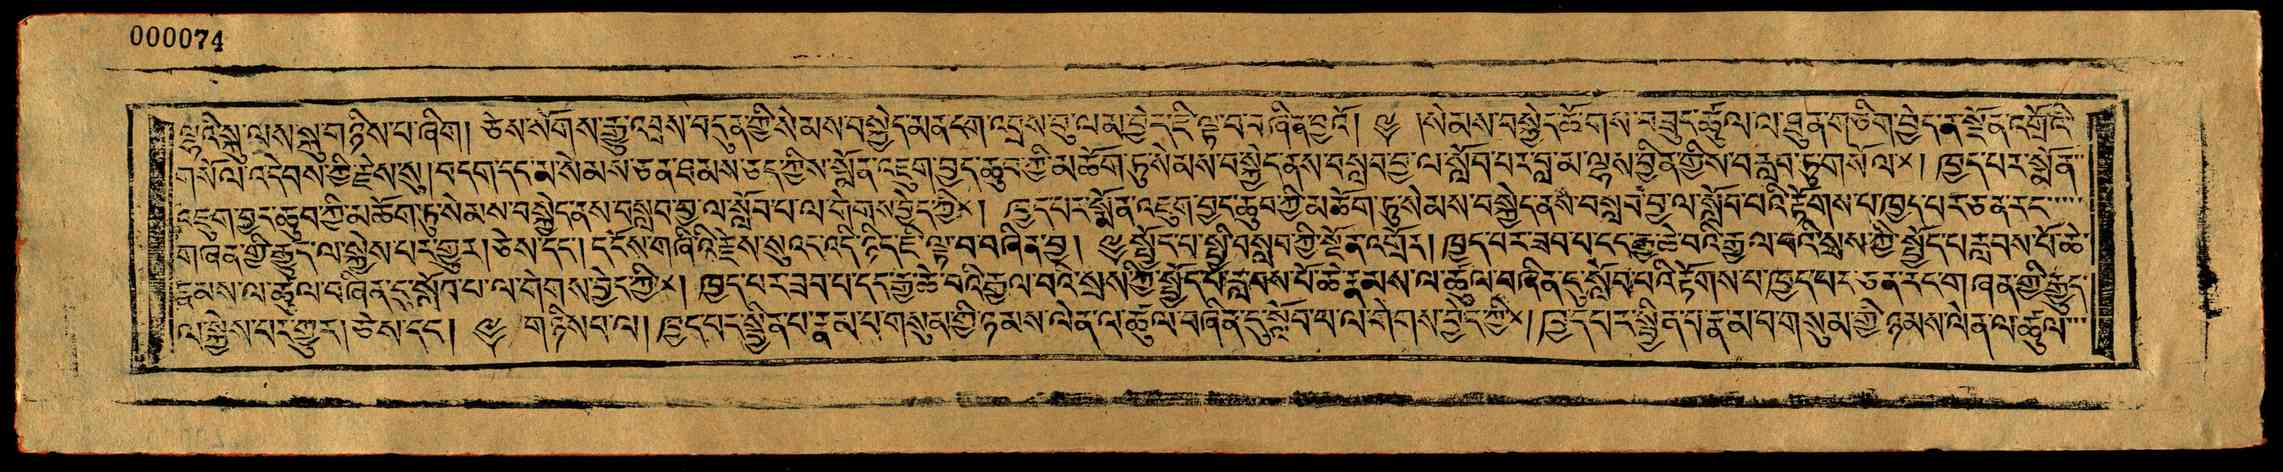ལྷའི་སྐུ་ལས་སྐུ་གཉིས་པ་ཞིག །ཅེས་སོགས་རྒྱུ་འབྲས་བདུན་གྱི་སེམས་བསྐྱེད་མན་ངག་འབྲས་བུ་ལམ་བྱེད་ཇི་ལྟ་བ་བཞིན་བྱའོ། ༈ །སེམས་བསྐྱེད་ཆོ་གས་བཟུང་ཚུལ་ལ་ཐུན་གཅིག་བྱེད་ན་སྔོན་འགྲོའི་
གསོལ་འདེབས་ཀྱི་རྗེས་སུ། བདག་དང་མ་སེམས་ཅན་ཐམས་ཅད་ཀྱིས་སྨོན་འཇུག་བྱང་ཆུབ་ཀྱི་མཆོག་ཏུ་སེམས་བསྐྱེད་ནས་བསླབ་བྱ་ལ་སློབ་པར་བླ་མ་ལྷས་བྱིན་གྱིས་བརླབ་ཏུ་གསོལ་྾། ཁྱད་པར་སྨོན་
འཇུག་བྱང་ཆུབ་ཀྱི་མཆོག་ཏུ་སེམས་བསྐྱེད་ནས་བསླབ་བྱ་ལ་སློབ་པ་ལ་གེགས་བྱེད་ཀྱི་྾། ཁྱད་པར་སྨོན་འཇུག་བྱང་ཆུབ་ཀྱི་མཆོག་ཏུ་སེམས་བསྐྱེད་ནས་བསླབ་བྱ་ལ་བློབ་པའི་རྟོགས་པ་ཁྱད་པར་ཅན་དང་
གཞན་གྱི་རྒྱུད་ལ་སྐྱེད་པར་གྱུར། ཅེས་དང་། དངོས་གཞིའི་རྗེས་སུའང་འདི་ཉིད་ཇི་ལྟ་བ་བཞིན་བྱ། ༈ སྤྱོད་པ་སྤྱི་བསླབ་ཀྱི་སྔོན་འགྲོར། ཁྱད་པར་ཟབ་པ་དང་རྒྱ་ཆེ་བའི་རྒྱལ་བའི་སྲས་ཀྱི་སྤྱོད་པ་རླབས་པོ་ཆེ་
རྣམ་པ་ལ་ཚུལ་བཞིན་དུ་སློབ་པ་ལ་གེགས་བྱེད་ཀྱི་྾། ཁྱད་པར་ཟབ་པ་དང་རྒྱ་ཆེ་བའི་རྒྱལ་བའི་སྲས་ཀྱི་སྤྱོད་པ་རླབས་པོ་ཆེ་རྣམས་ལ་ཚུལ་བཞིན་དུ་སློབ་པའི་རྟོགས་པ་ཁྱད་པར་ཅན་དང་གཞན་གྱི་རྒྱུད་
ལ་སྐྱེས་པར་གྱུར། ཅེས་དང་། ༈ གཉིས་པ་ལ། ཁྱད་པར་སྦྱིན་པ་རྣམ་པ་གསུམ་གྱི་ཉམས་ལེན་ལ་ཚུལ་བཞིན་དུ་སློབ་པ་ལ་གེགས་བྱེད་ཀྱི་྾། ཁྱད་པར་སྦྱིན་པ་རྣམ་པ་གསུམ་གྱི་ཉམས་ལེན་ལ་ཚུལ་